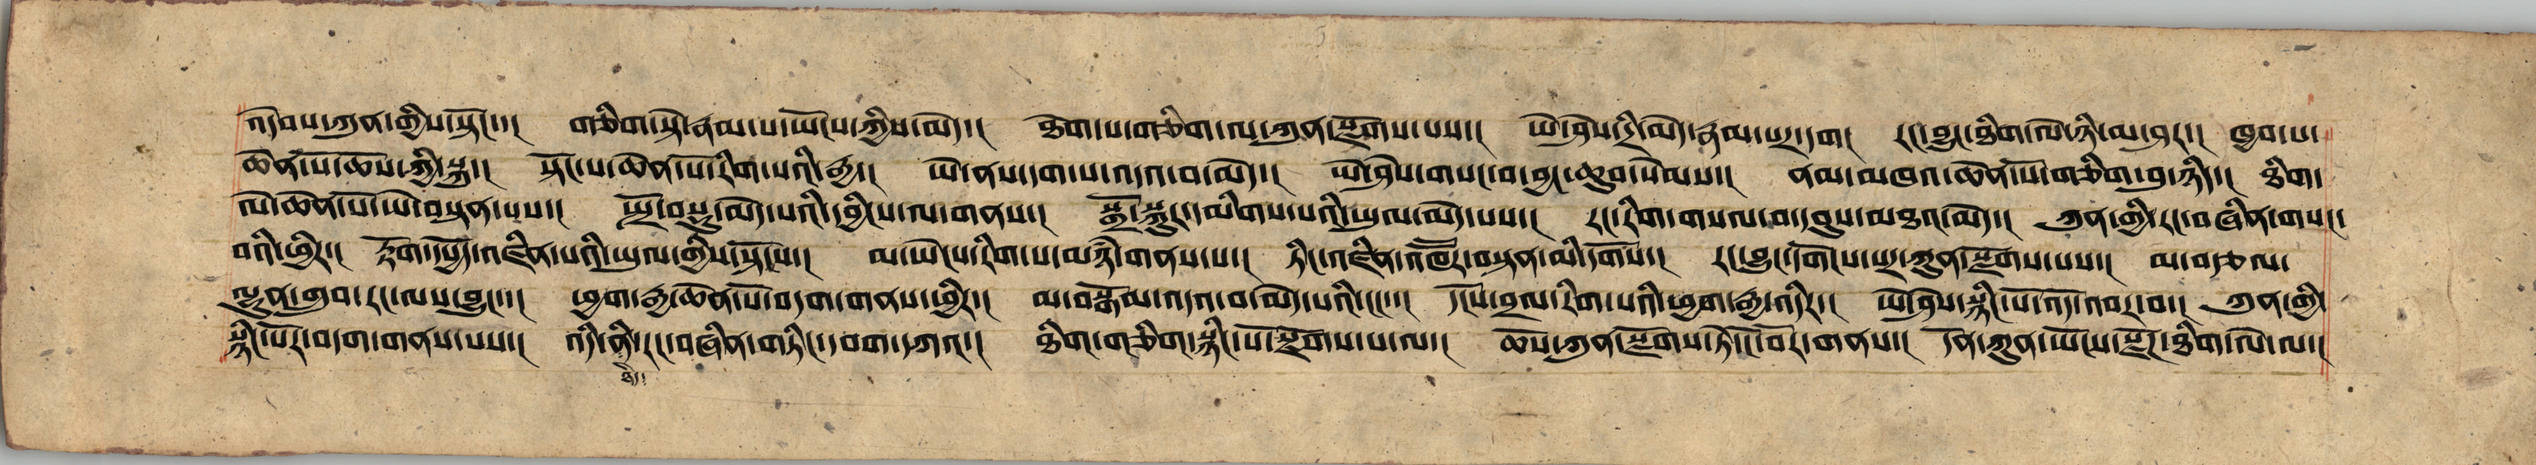འདེབས་ཀུན་གྱིས་སྟོང་་། གཅིག་སྟེ་རྣམ་པ་ཡོངས་ཀྱིས་མེད་། ཐེག་པ་གཅིག་ལ་ཀུན་སྫོགས་པས་། ཡེ་ཤེས་དྲི་མེད་རྣམ་པར་དག། རང་བྱུང་ཐིག་ལེ་ཉི་མ་ཤར་། ཁྱབ་པ་
ཆེན་པོ་ཆོས་ཀྱི་སྐུ་། སྟོང་པ་ཆེན་པོ་རིག་པའི་རྒྱ་། ཡེ་ནས་དག་པ་འདའ་བ་མེད་། ཡེ་ཤེས་གསང་བ་བྱང་ཆུབ་སེམས་། ནམ་མཁའ་ཆེན་པོ་གཅིག་པུ་ཉིད་། ཐིག་
ལེ་ཆེན་པོ་ཡེ་བསྟན་པས་། སྤྲོ་བསྡུ་མེད་པའི་དབྱིངས་ལ་གནས་། སྒྲོ་སྐུར་དམིགས་པའི་ཡུལ་མེད་པས་། རང་རིག་གསལ་བ་དབུས་མཐའ་མེད་། ཀུན་གྱི་རང་བཞིན་གསང་
བའི་ཕྱིར་། རྟོག་དཔྱོད་འཛིན་པའི་ཡུལ་གྱིས་སྟོངས་། མ་ཡེངས་རིག་པ་མཉཾ་གནས་པ་། ཏིང་འཛིན་འཁཽར་བསྟན་མི་དགོས་། རང་བྱུང་དགོངས་པར་ཀུན་སྫོགས་པས་། མ་བརྩལ་
ལྷུན་གྲུབ་རང་ལས་བྱུང་་། ཕྱག་རྒྱ་ཆེན་པོ་བདག་གནས་ཕྱིར་། མ་བསྒོམ་འདའ་བ་མེད་པའི་ངང་་། དངོས་བྲལ་རིག་པའི་ཕྱག་རྒྱ་འདིར་། ཡེ་ཤེས་སྙིང་པོ་འོད་འབར་བ་། ཀུན་གྱི་
སྙིང་པོར་བདག་གནས་པས་། འདི་ནི་རང་བཞིན་གཏིང་དཔག་དཀའ་། ཐིག་གཅིག་སྙིང་པོ་སྫོགས་པ་ལ་། ཆོས་ཀུན་སྫོགས་ཏེ་ངོ་བོར་གནས་། དོན་ཀུན་ཡོངས་སྫོཌ་ཐིག་ལེ་ལ་།